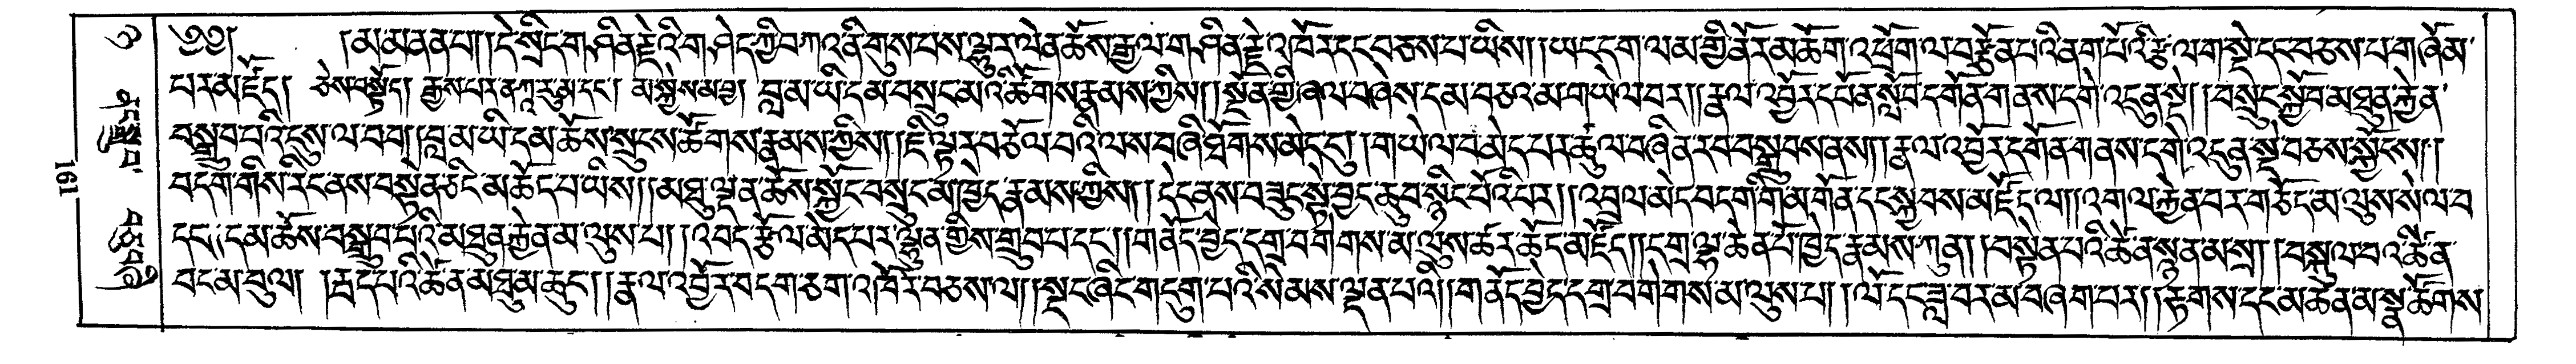༄༅། །མ་མནན་པ། །དེ་སྲིད་གཤིན་རྗེའི་གཤེད་ཀྱི་བཀའ་ནི་གུས་པས་ལྷུར་ལེན་ཆོས་རྒྱལ་གཤིན་རྗེ་འཁོར་དང་བཅས་པ་ཡིས། །ཡང་དག་ལམ་གྱི་ནོར་མཆོག་འཕྲོག་ལ་བརྩོན་པའི་ནག་པོའི་རྩ་ལག་སྡེ་དང་བཅས་པ་གཞོམ་
པར་མཛོད། ཅེས་བསྟོད། རྒྱས་པར་ན་ཀཱ་རུ་མ་དང་། མ་སྐྱེས་མ་བྱ། བླ་མ་ཡི་དམ་བསྲུང་མའི་ཚོགས་རྣམས་ཀྱིས། །སྔོན་གྱི་ཞལ་བཞེས་དམ་བཅའ་མ་གཡེལ་བར། །རྣལ་འབྱོར་དཔོན་སློབ་དགོན་གནས་དགེ་འདུན་སྡེ། །བསྲུང་སྐྱོབ་མཐུན་རྐྱེན་
བསྒྲུབ་པའི་དུས་ལ་བབ། །བླ་མ་ཡི་དམ་ཆོས་སྲུངས་ཚོགས་རྣམས་ཀྱིས། །ཇི་ལྟར་བཅོལ་བའི་ལས་བཞི་ཐོགས་མེད་དུ། །གཡེལ་བ་མེད་པར་ཚུལ་བཞིན་རབ་བསྒྲུབས་ནས། །རྣལ་འབྱོར་དགོན་གནས་དགེ་འདུན་སྡེ་བཅས་སྐྱོངས།།
བདག་གིས་རིང་ནས་བསྟེན་ཅིང་མཆོད་པ་ཡིས། །མཐུ་ལྡན་ཆོས་སྐྱོང་བསྲུང་མ་ཁྱེད་རྣམས་ཀྱིས། །དེང་ནས་བཟུང་སྟེ་བྱང་ཆུབ་སྙིང་པོའི་བར། །འབྲལ་མེད་བདག་གི་མགོན་དང་སྐྱབས་མཛོད་ལ། །འགལ་རྐྱེན་བར་གཅོད་མ་ལུས་སེལ་བ་
དང༑ ༑དམ་ཆོས་བསྒྲུབ་པའི་མཐུན་རྐྱེན་མ་ལུས་པ། །འབད་རྩོལ་མེད་པར་ལྷུན་གྱིས་གྲུབ་པ་དང་། །གནོད་བྱེད་དགྲ་བགེགས་མ་ལུས་ཚར་ཆོད་མཛོད། །དགྲ་ལྷ་ཆེན་པོ་ཁྱེད་རྣམས་ཀུན། །བསྟེན་པའི་ཚེ་ན་སྙན་མ་སྲ། །བསྐུལ་བའི་ཚེན་
བད་མ་བུལ། །རྦད་པའི་ཚེ་ན་མཐུ་མ་ཆུང་། །རྣལ་འབྱོར་བདག་ཅག་འཁོར་བཅས་ལ། །སྡང་ཞིང་གདུག་པའི་སེམས་ལྡན་པའི། །གནོད་བྱེད་དགྲ་བགེགས་མ་ལུས་པ། །ལོ་དང་ཟླ་བར་མ་བཞག་པར། །རྟགས་དང་མཚན་མ་སྣ་ཚོགས་